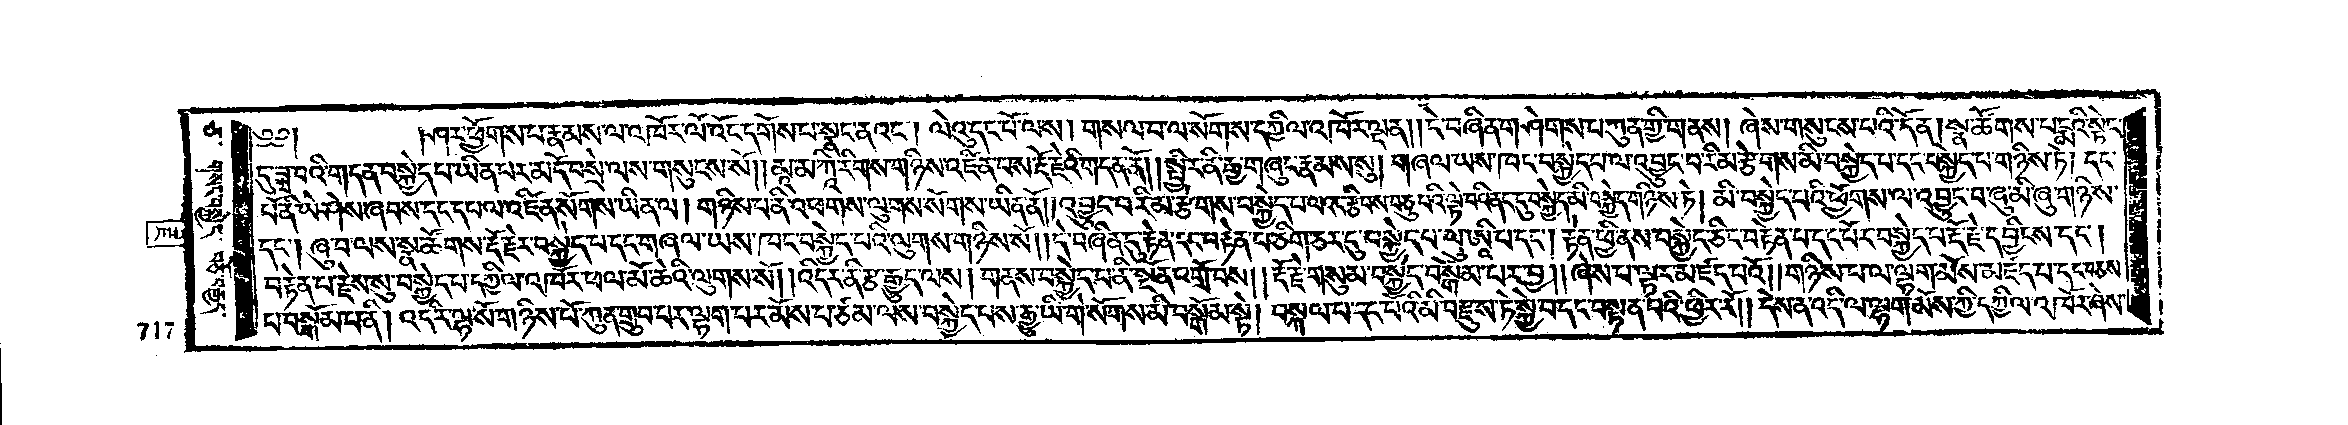༄༅། །ཤར་ཕྱོགས་པ་རྣམས་ལ་འཁོར་ལོ་འོང་དགོས་པ་སྣང་ནའང་། ལེའུ་དང་པོ་ལས། གསལ་བ་ལ་སོགས་དཀྱིལ་འཁོར་ལྡན། །དེ་བཞིན་གཤེགས་པ་ཀུན་གྱི་གནས། ཞེས་གསུངས་པའི་དོན། སྣ་ཚོགས་པདམའི་སྟེང་
དུ་ཟླ་བའི་གདན་བསྐྱེད་པ་ཡིན་པར་མདོ་བསྲེ་ལས་གསུངས་སོ། །མཱ་མ་ཀཱི་རིགས་གཉིས་འཛིན་པས་རྡོ་རྗེའི་གདན་ནོ། །སྤྱིར་ནི་རྒྱ་གཞུང་རྣམས་སུ། གཞལ་ཡས་ཁང་བསྐྱེད་པ་ལ་འབྱུང་བ་རིམ་རྩེགས་མི་བསྐྱེད་པ་དང་བསྐྱེད་པ་གཉིས་ཏེ། དང་
པོ་ནི་ཡེ་ཤེས་ཞབས་དང་དཔལ་འཛིན་སོགས་ཡིན་ལ། གཉིས་པ་ནི་འཕགས་ལུགས་སོགས་ཡིན་ནོ། །འབྱུང་བ་རིམ་རྩེགས་བསྐྱེད་པ་ལའང་རྩིབས་བཅུ་པའི་ལྟེ་བའི་ནང་དུ་བསྐྱེད་མི་བསྐྱེད་གཉིས་ཏེ། མི་བསྐྱེད་པའི་ཕྱོགས་ལ་འབྱུང་བ་ཞུ་མི་ཞུ་གཉིས་
དང་། ཞུ་བ་ལས་སྣ་ཚོགས་རྡོ་རྗེར་བསྐྱེད་པ་དང་གཞལ་ཡས་ཁང་བསྐྱེད་པའི་ལུགས་གཉིས་སོ། །དེ་བཞིན་དུ་རྟེན་དང་བརྟེན་པ་ཅིག་ཅར་དུ་བསྐྱེད་པ་ལུ་ཨཱི་པ་དང་། རྟེན་ཕྱི་ནས་བསྐྱེད་ཅིང་བརྟེན་པ་དང་པོར་བསྐྱེད་པ་རྡོ་རྗེ་དབྱིངས་དང་།
བརྟེན་པ་རྗེས་སུ་བསྐྱེད་པ་དཀྱིལ་འཁོར་ཕལ་མོ་ཆེའི་ལུགས་སོ། །འདིར་ནི་རྩ་རྒྱུད་ལས། གནས་བསྐྱེད་པ་ནི་སྔོན་འགྲོ་བས། །རྡོ་རྗེ་གསུམ་བསྐྱེད་བསྒོམ་པར་བྱ། །ཞེས་པ་ལྟར་མཛད་པའོ། །གཉིས་པ་ལ་ལྷག་མོས་མཛད་པ་དང་བཅས་
པ་བསྒོམ་པ་ནི། འདིར་ལྷ་སོ་གཉིས་པོ་ཀུན་གྲུབ་པར་ལྷག་པར་མོས་པ་ཙམ་ལས་བསྐྱེད་པས་རྒྱུ་ཡི་གེ་སོགས་མི་བསྒོམ་སྟེ། བསྐལ་པ་དང་པོའི་མི་བརྫུས་ཏེ་སྐྱེ་བ་དང་བསྟུན་པའི་ཕྱིར་རོ། །དེས་ན་འདི་ལ་ལྷག་མོས་ཀྱི་དཀྱིལ་འཁོར་ཞེས་